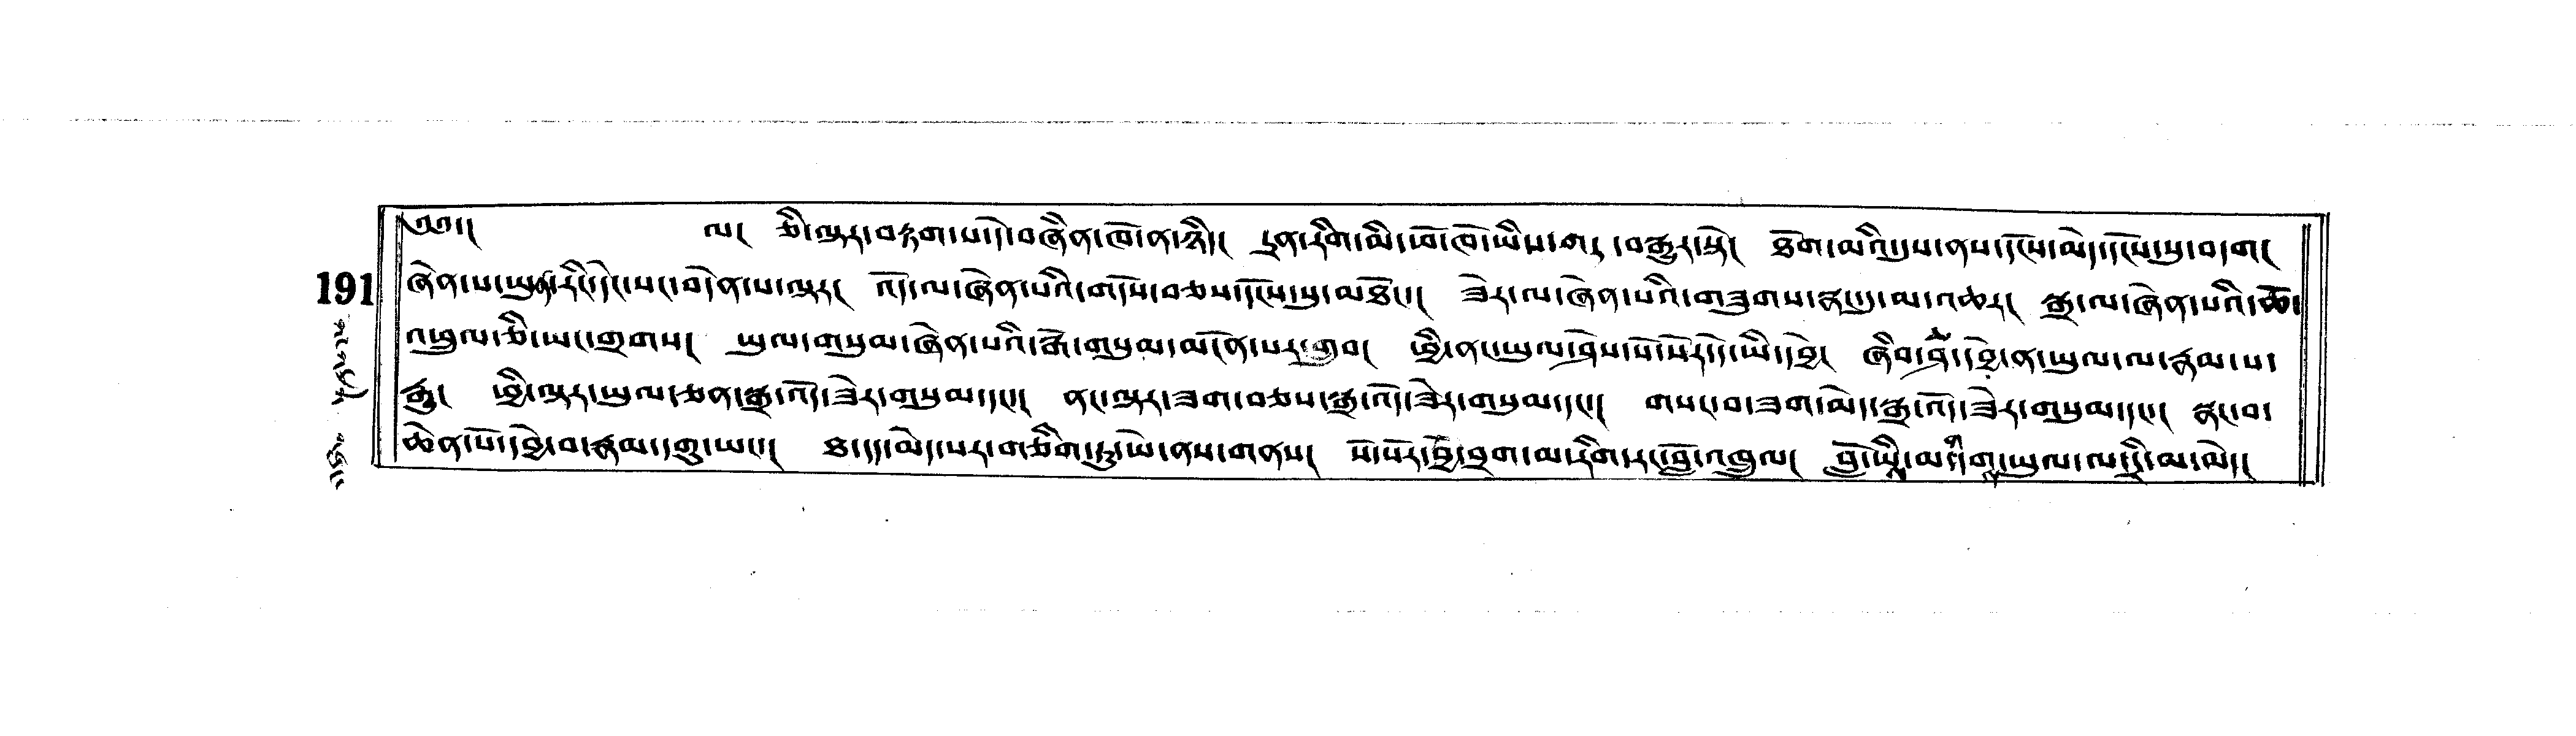ལ། ཅི་ལྟར་བརྟག་པ་དེ་བཞིན་ཁོ་ན་ཉིད། དྲན་རིག་མི་ཕོ་ཁོ་ཡིས་གར་བསྒྱུར་ཏེ། ཐོག་མའི་དུས་ནས་དངོས་མེད་དངོས་སུ་བདག།
ཞེན་པ་ཡུན་རིང་དེང་སང་བདེན་པ་ལྟར། འོད་ལ་ཞེན་པའི་གདོས་བཅས་དངོས་སུ་མཐོང་། ཟེར་ལ་ཞེན་པའི་གཟུགས་སྣང་དུ་མ་འཆར། སྒྲ་ལ་ཞེན་པའི་ཆོ་
འཕྲུལ་ཅི་ཡང་གྲགས། ཡུལ་གསུམ་ཞེན་པའི་སྒོ་གསུམ་མངོན་པར་གྲུབ། ཕྱི་ནང་ཡུལ་ཤེས་སོ་སོར་དེ་ཡིས་ཕྱེ། ཞིབ་ཆ་དབྱེ་ན་ཡུལ་ལ་རྣམ་པ་
རྒྱུ། ཕྱི་ལྟར་ཡུལ་ཅན་སྒྲ་འོད་ཟེར་གསུམ་དང་། ནང་ལྟར་ཟག་བཅས་སྒྲ་འོད་ཟེར་གསུམ་དང་། གསང་བ་ཟང་མེད་སྒྲ་འོད་ཟེར་གསུམ་དང་། སྣང་བ་
ཆེན་པོ་དབྱེ་བ་རྣམ་དགུ་ཡང་། ཐ་དད་མེད་པར་གཅིག་ཏུ་ཡེ་ནས་གནས། སོ་སོར་བྱེ་བྲག་མ་རིག་རང་བློ་འཁྲུལ། བློ་ཡིས་མ་གདགས་ཡུལ་ལ་དྲི་མ་མེད།